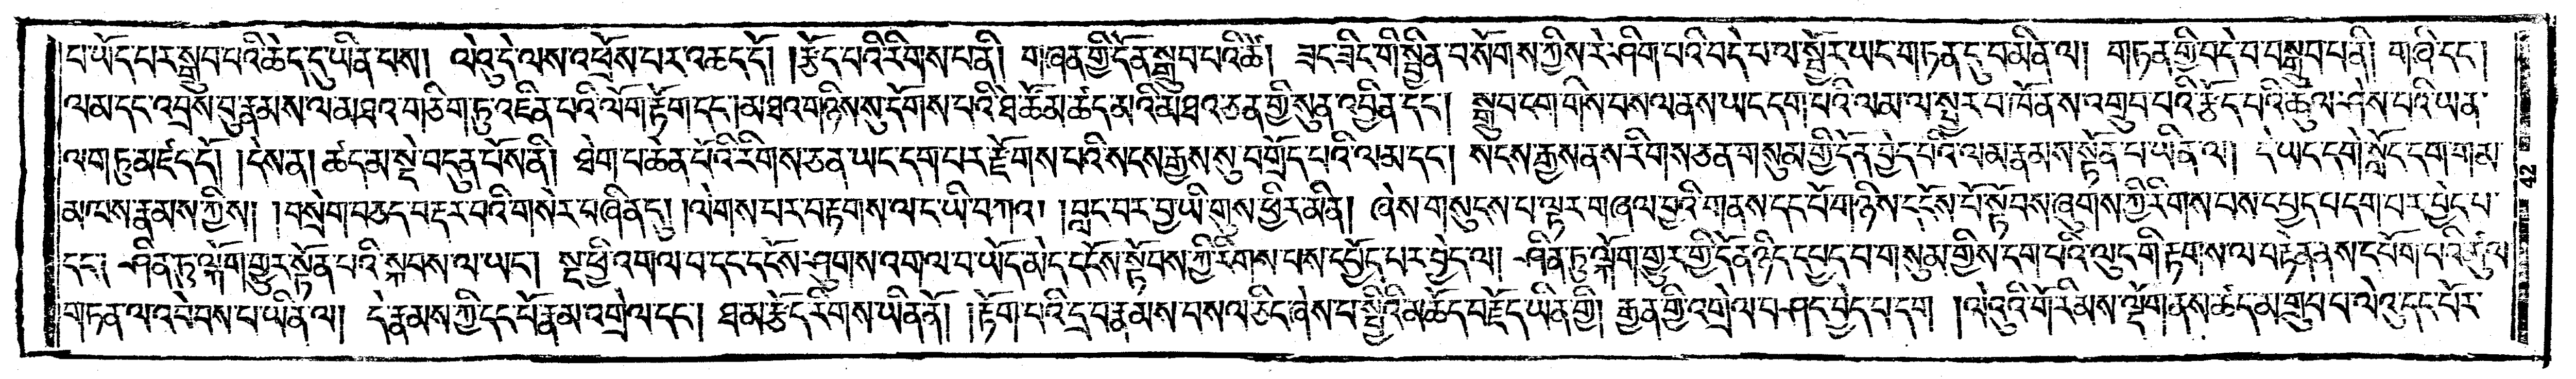པ་ཡོད་པར་སྒྲུབ་པའི་ཆེད་དུ་ཡིན་པས། ལེའུ་དེ་ལས་འཕྲོས་པར་འཆད་དོ། །རྩོད་པའི་རིགས་པ་ནི། གཞན་གྱི་དོན་སྒྲུབ་པའི་ཚེ། ཟང་ཟིང་གི་སྦྱིན་པ་སོགས་ཀྱིས་རེ་ཤིག་པའི་བདེ་པ་ལ་སྦྱོར་ཡང་གཏན་དུ་བ་མིན་ལ། གཏན་གྱི་བདེ་བ་བསྒྲུབ་པ་ནི། གཞི་དང་།
ལམ་དང་འབྲས་བུ་རྣམས་ལ་མཐའ་གཅིག་ཏུ་འཛིན་པའི་ལོག་རྟོག་དང་། མཐའ་གཉིས་སུ་དོགས་པའི་ཚེ་ཚོམ་ཚད་མའི་མཐའ་ཅན་གྱི་སུན་འབྱིན་དང་། སྒྲུབ་ངག་གིས་བསལ་ནས་ཡང་དག་པའི་ལམ་ལ་སྦྱར་བ་ཁོ་ནས་འགྲུབ་པའི་རྩོད་པའི་ཚུལ་ཤེས་པའི་ཡན་
ལག་ཏུ་མཛད་དོ། །དེས་ན། ཚད་མ་སྡེ་བདུན་པོས་ནི། ཐེག་པ་ཆེན་པོའི་རིགས་ཅན་ཡང་དག་པར་རྫོགས་པའི་སངས་རྒྱས་སུ་བགྲོད་པའི་ལམ་དང་། སངས་རྒྱས་ནས་རིགས་ཅན་གསུམ་གྱི་དོན་བྱེད་པའི་ལམ་རྣམས་སྟོན་པ་ཡིན་ལ། དེ་ཡང་དགེ་སློང་དག་གམ་
མཁས་རྣམས་ཀྱིས། །བསྲེག་བཅད་བརྡར་བའི་གསེར་བཞིན་དུ། །ལེགས་པར་བརྟགས་ལ་ང་ཡི་བཀའ། །བླང་བར་བྱ་ཡི་གུས་ཕྱིར་མིན། ཞེས་གསུངས་པ་ལྟར་གཞལ་བྱའི་གནས་དང་པོ་གཉིས་དངོས་པོ་སྟོབས་ཞུགས་ཀྱི་རིགས་པས་དཔྱད་པ་དག་པར་བྱེད་པ་
དང་། ཤིན་ཏུ་ལྐོག་གྱུར་སྟོན་པའི་སྐབས་ལ་ཡང་། སྔ་ཕྱི་འགལ་བ་དང་དངོས་ཤུགས་འགལ་བ་ཡོད་མེད་དངོས་སྟོབས་ཀྱི་རིགས་པས་དཔྱོད་པར་བྱེད་ལ། ཤིན་ཏུ་ལྐོག་གྱུར་གྱི་དོན་ཉིད་དཔྱད་པ་གསུམ་གྱིས་དག་པའི་ལུང་གི་རྟགས་ལ་བརྟེན་ནས་དཔོག་པའི་ཚུལ་
གཏན་ལ་འབེབས་པ་ཡིན་ལ། དེ་རྣམས་ཀྱི་དང་པོ་རྣམ་འགྲེལ་དང་། ཐ་མ་རྩོད་རིགས་ཡིན་ནོ། །རྟོག་པའི་དྲ་བ་རྣམས་བསལ་ཅིང་ཞེས་པའི་སྤྱིའི་མཆོད་བརྗོད་ཡིན་གྱི། རྒྱན་གྱི་འགྲེལ་བཤད་བྱེད་པ་དག །ལེའུའི་གོ་རིམས་ལྡོག་ནས་ཚད་མ་གྲུབ་པ་ལེའུ་དང་པོར་